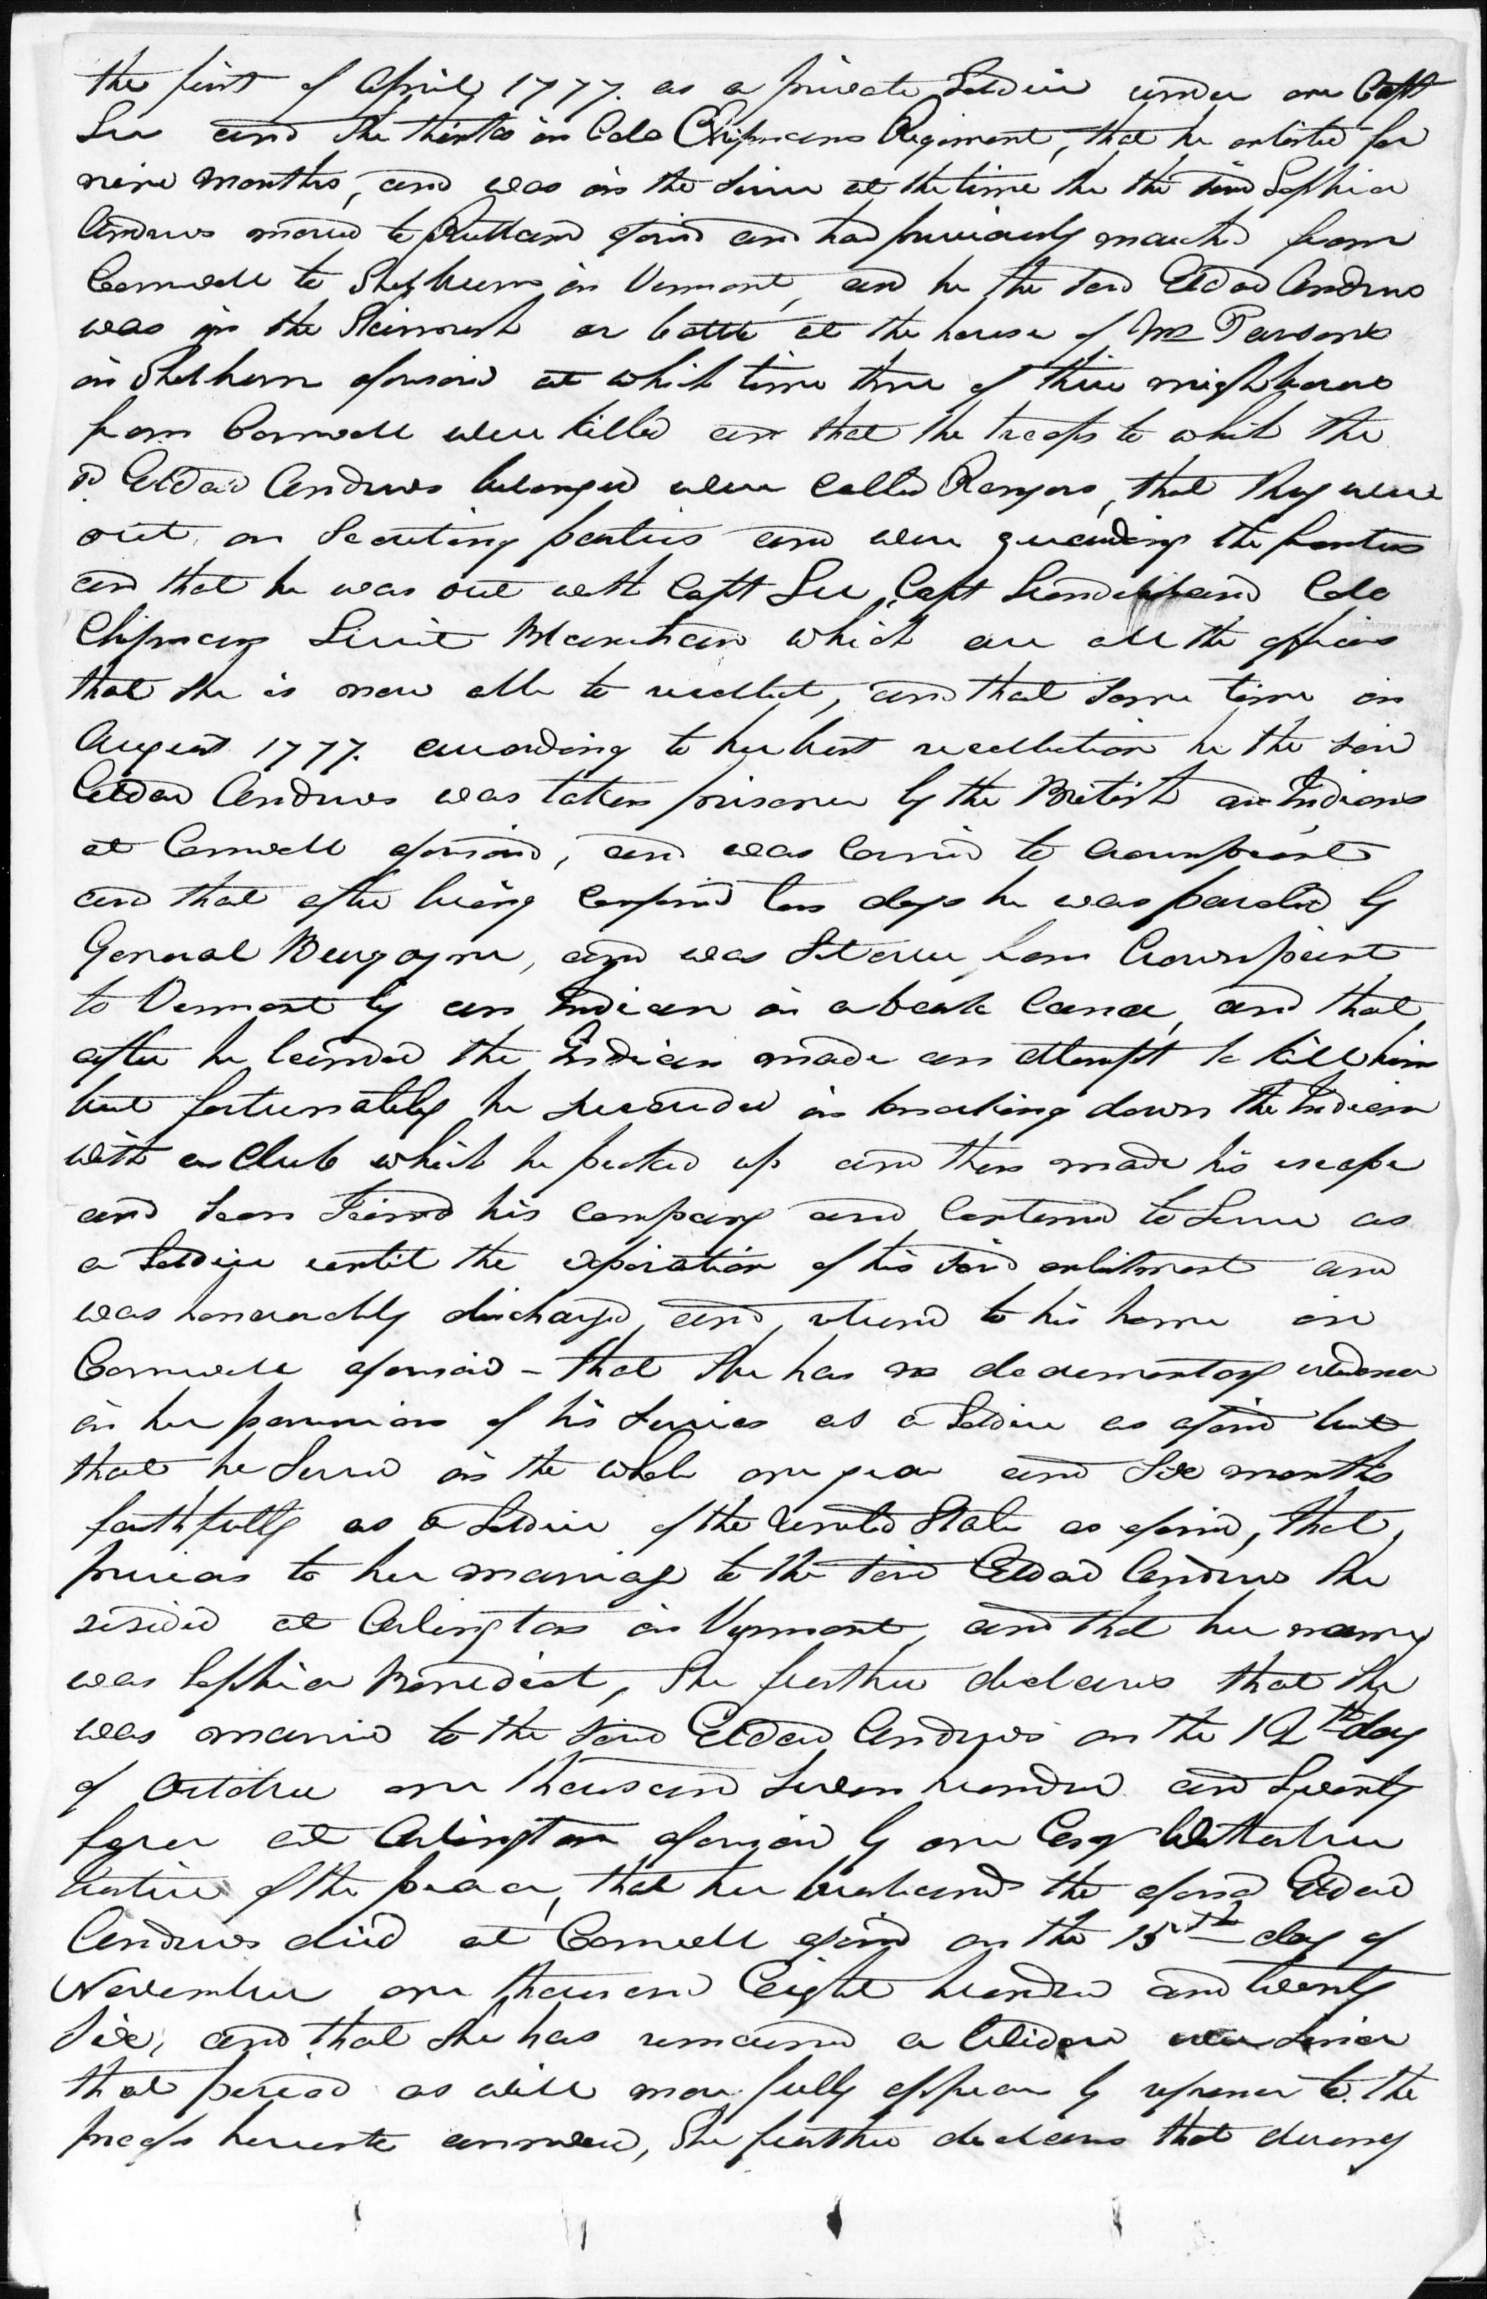the first of April 1777 as a private Soldier under one Capt Lee and he thinks in Col Chipmans Regiment, that he enlisted for nine months and was in the sum at the time the the said Sophia
and married to Rutland found and had previously marched from Cornell to Sherburn in Vermont, and he the said Eldad Andrus was in the Skirmish or both at the house of Mrs. Parson in Sherburn aforesaid at which time three of their neighbors from Cornell were killed and that the troops to which the Eldad Andrus belonged were called Rangers, that they were out on scouting parties and been guarding the parties and that he was out with Capt. Lee Capt. Liandchiland and Col. Chisnus, Lieut.  Buchanan which are all the offices that she is now able to reflect, and that some time in August 1777 according to her best recollection is the son Eldad Andrews was taken prisoner by the British and Indians at Caswell aforesaid, and was send to Crownpoint and that after being confined ten days he was paroled by
General Benyogum, and was served from Crownpoint to Vermont by an Indian as abate cana, and that after he landed the Indian made an attempt to kill him but fortunately he recorded in breaking down the Indian with a club which he picked up and then made his escape and son and his company and listened  as a soldier until the expiration of his said enlistment and was honorably discharged and tend to his home in Cornell aforesaid - that she has no documentary unknown on her pension of his services as a soldier as aforesaid but that he served in the whole one year and six months faithfully as a Soldier of the United States as aforesaid, that prior to her marriage,to her husband Eldad Andrus she resided at Arlington in Vermont, and that her marry name was Sophia Benedict, She further declares that she was married to the said Elder Andrews on the 12th day of October one thousand Seven hundred and Seventy fore at Arlington aforesaid Gen. [Ceshlthtree] Justice of the peace, that her husband the aforesaid Eldad Andrews died at Cornell aforesaid and on the 13th day of November one thousand Eight hundred and twenty six; and that she has remained a widower pensioner that period as awhile mournfully appear upon to the judge hereunto annexed , she further declares that during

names: Sophia Benedict, Eldad Andrws, Eldad Andrws, Eldad Andrws, Eldad Andrus, Sophia Andrws, , Clipman, Lee, Eldad Andrus, Eldad Andrws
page: 3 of 27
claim: rejected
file: R. 223, Eldad Andrus, Vt.